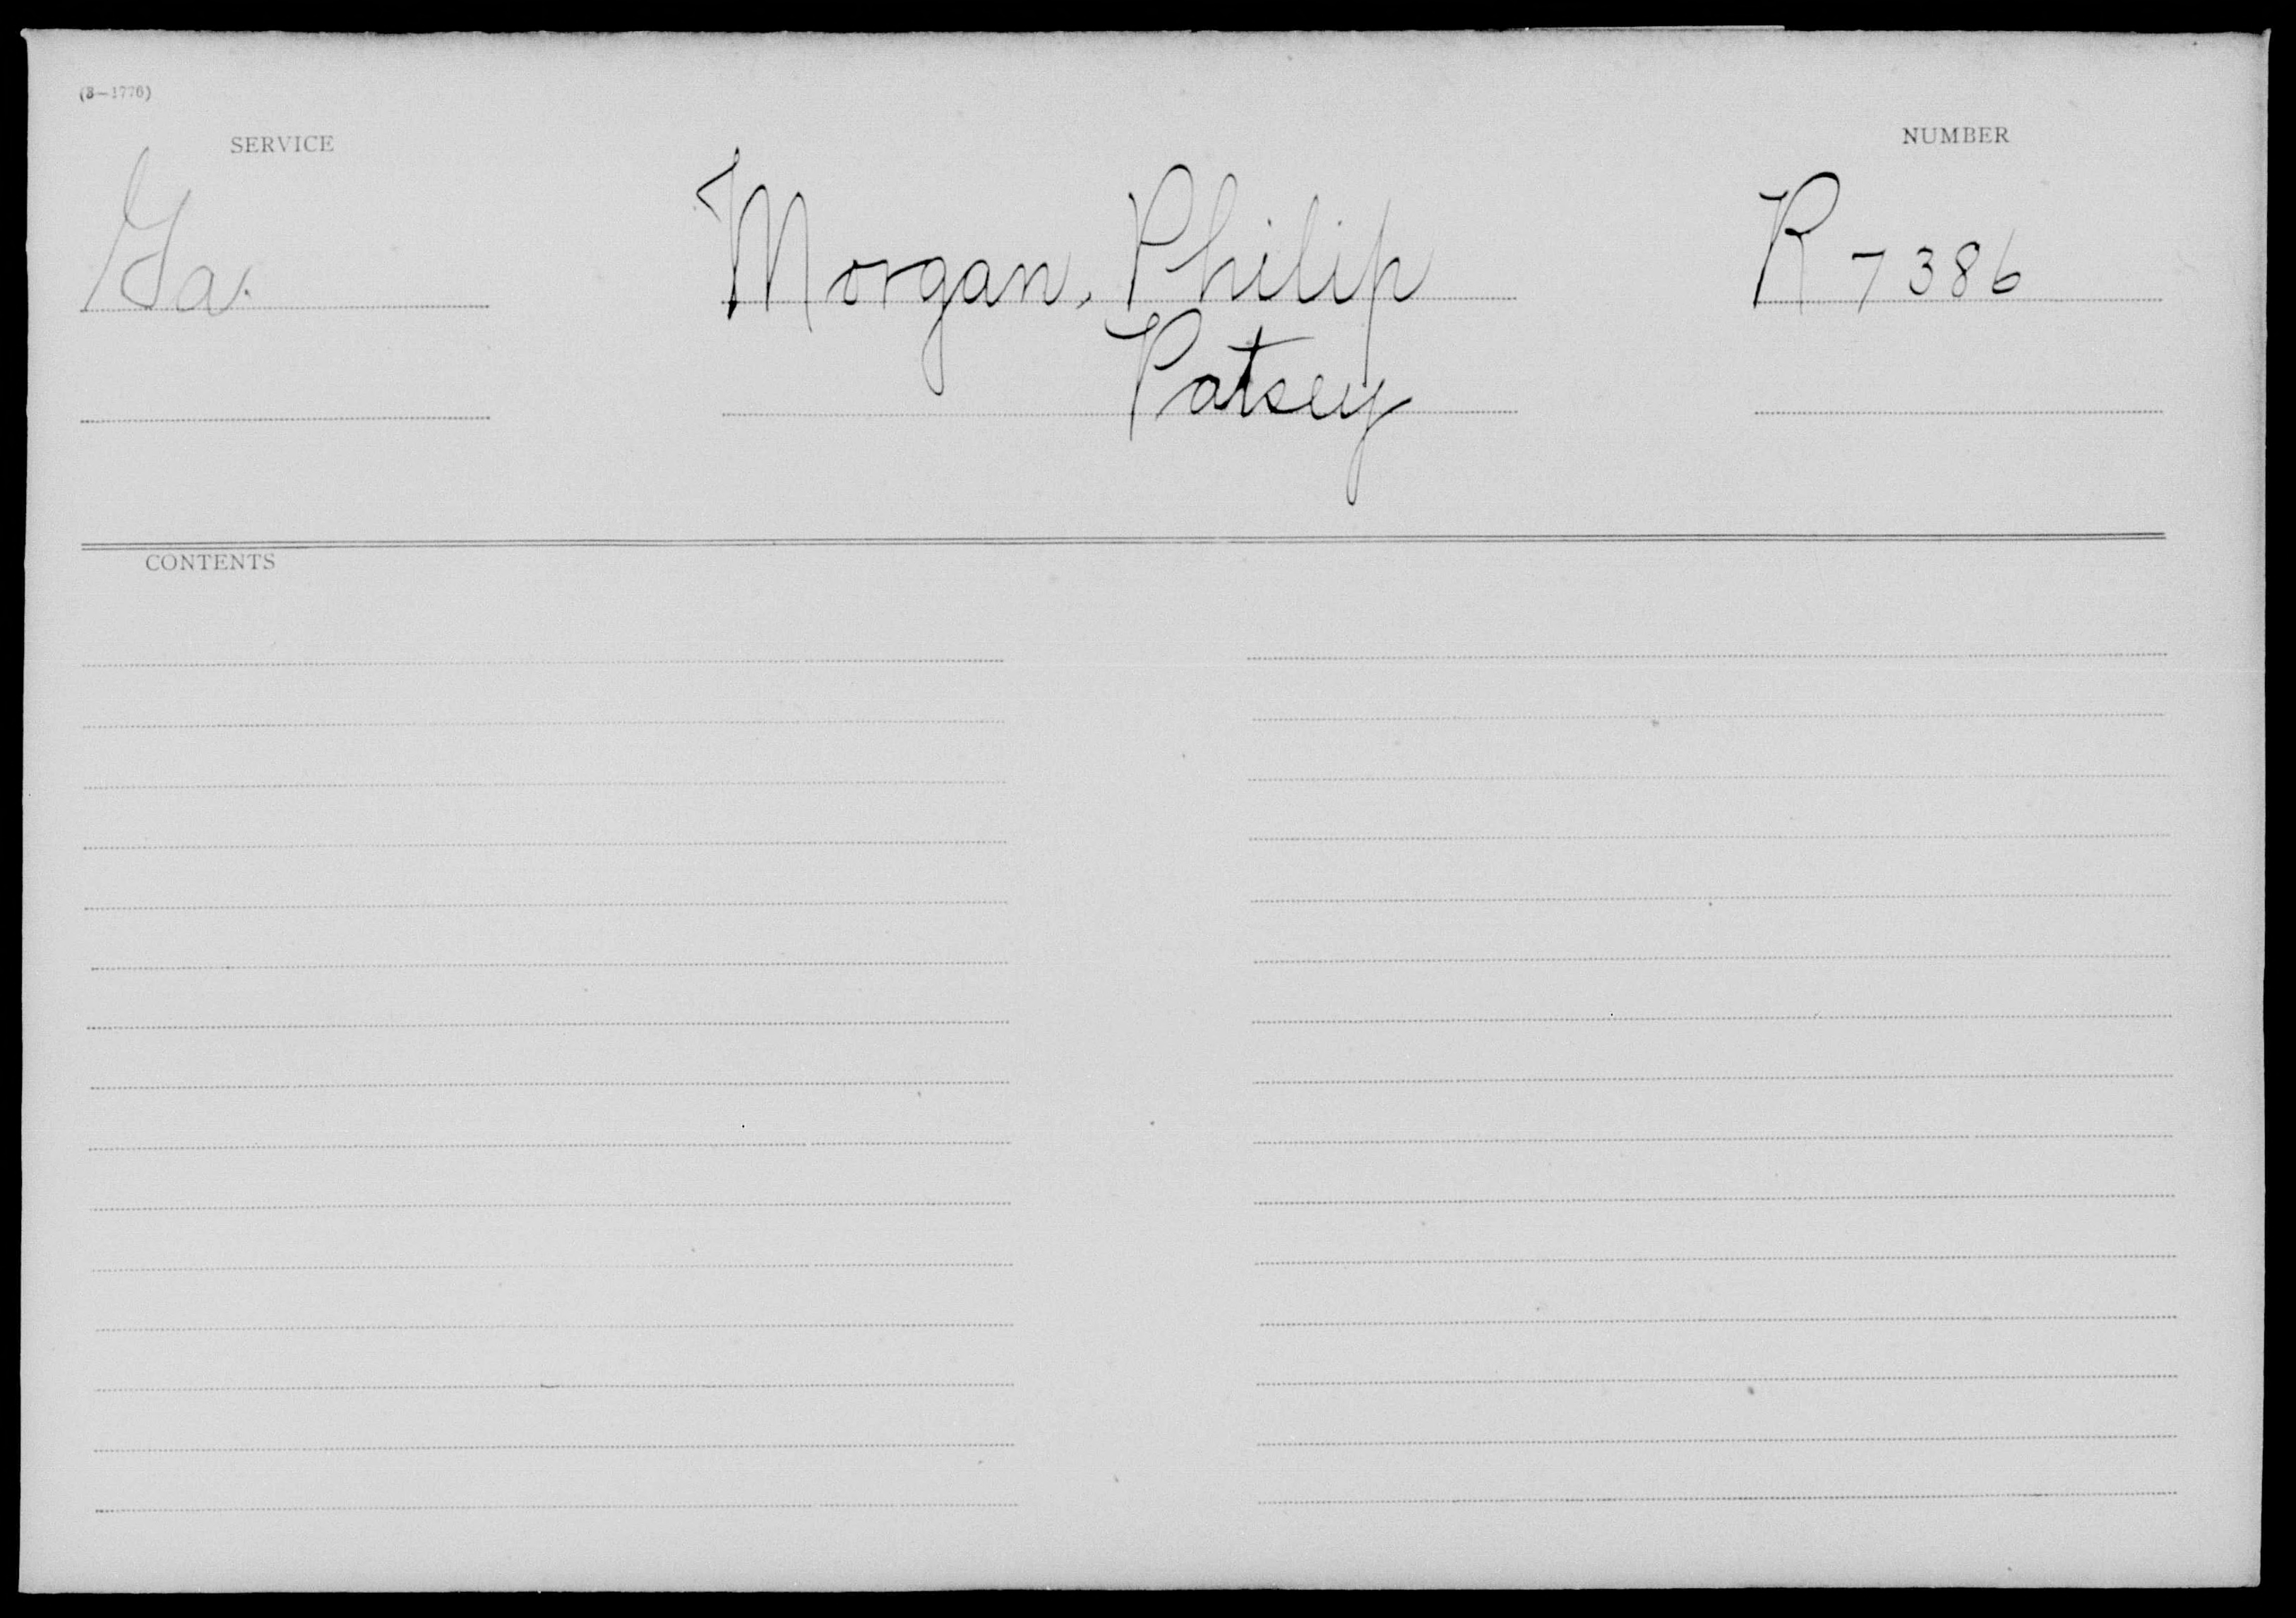SERVICE 
Ga
Morgan, Philip Patsey
NUMBER 
R 7386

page: 1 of 16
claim: rejected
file: R 7386, for Philip Morgan, Georgia